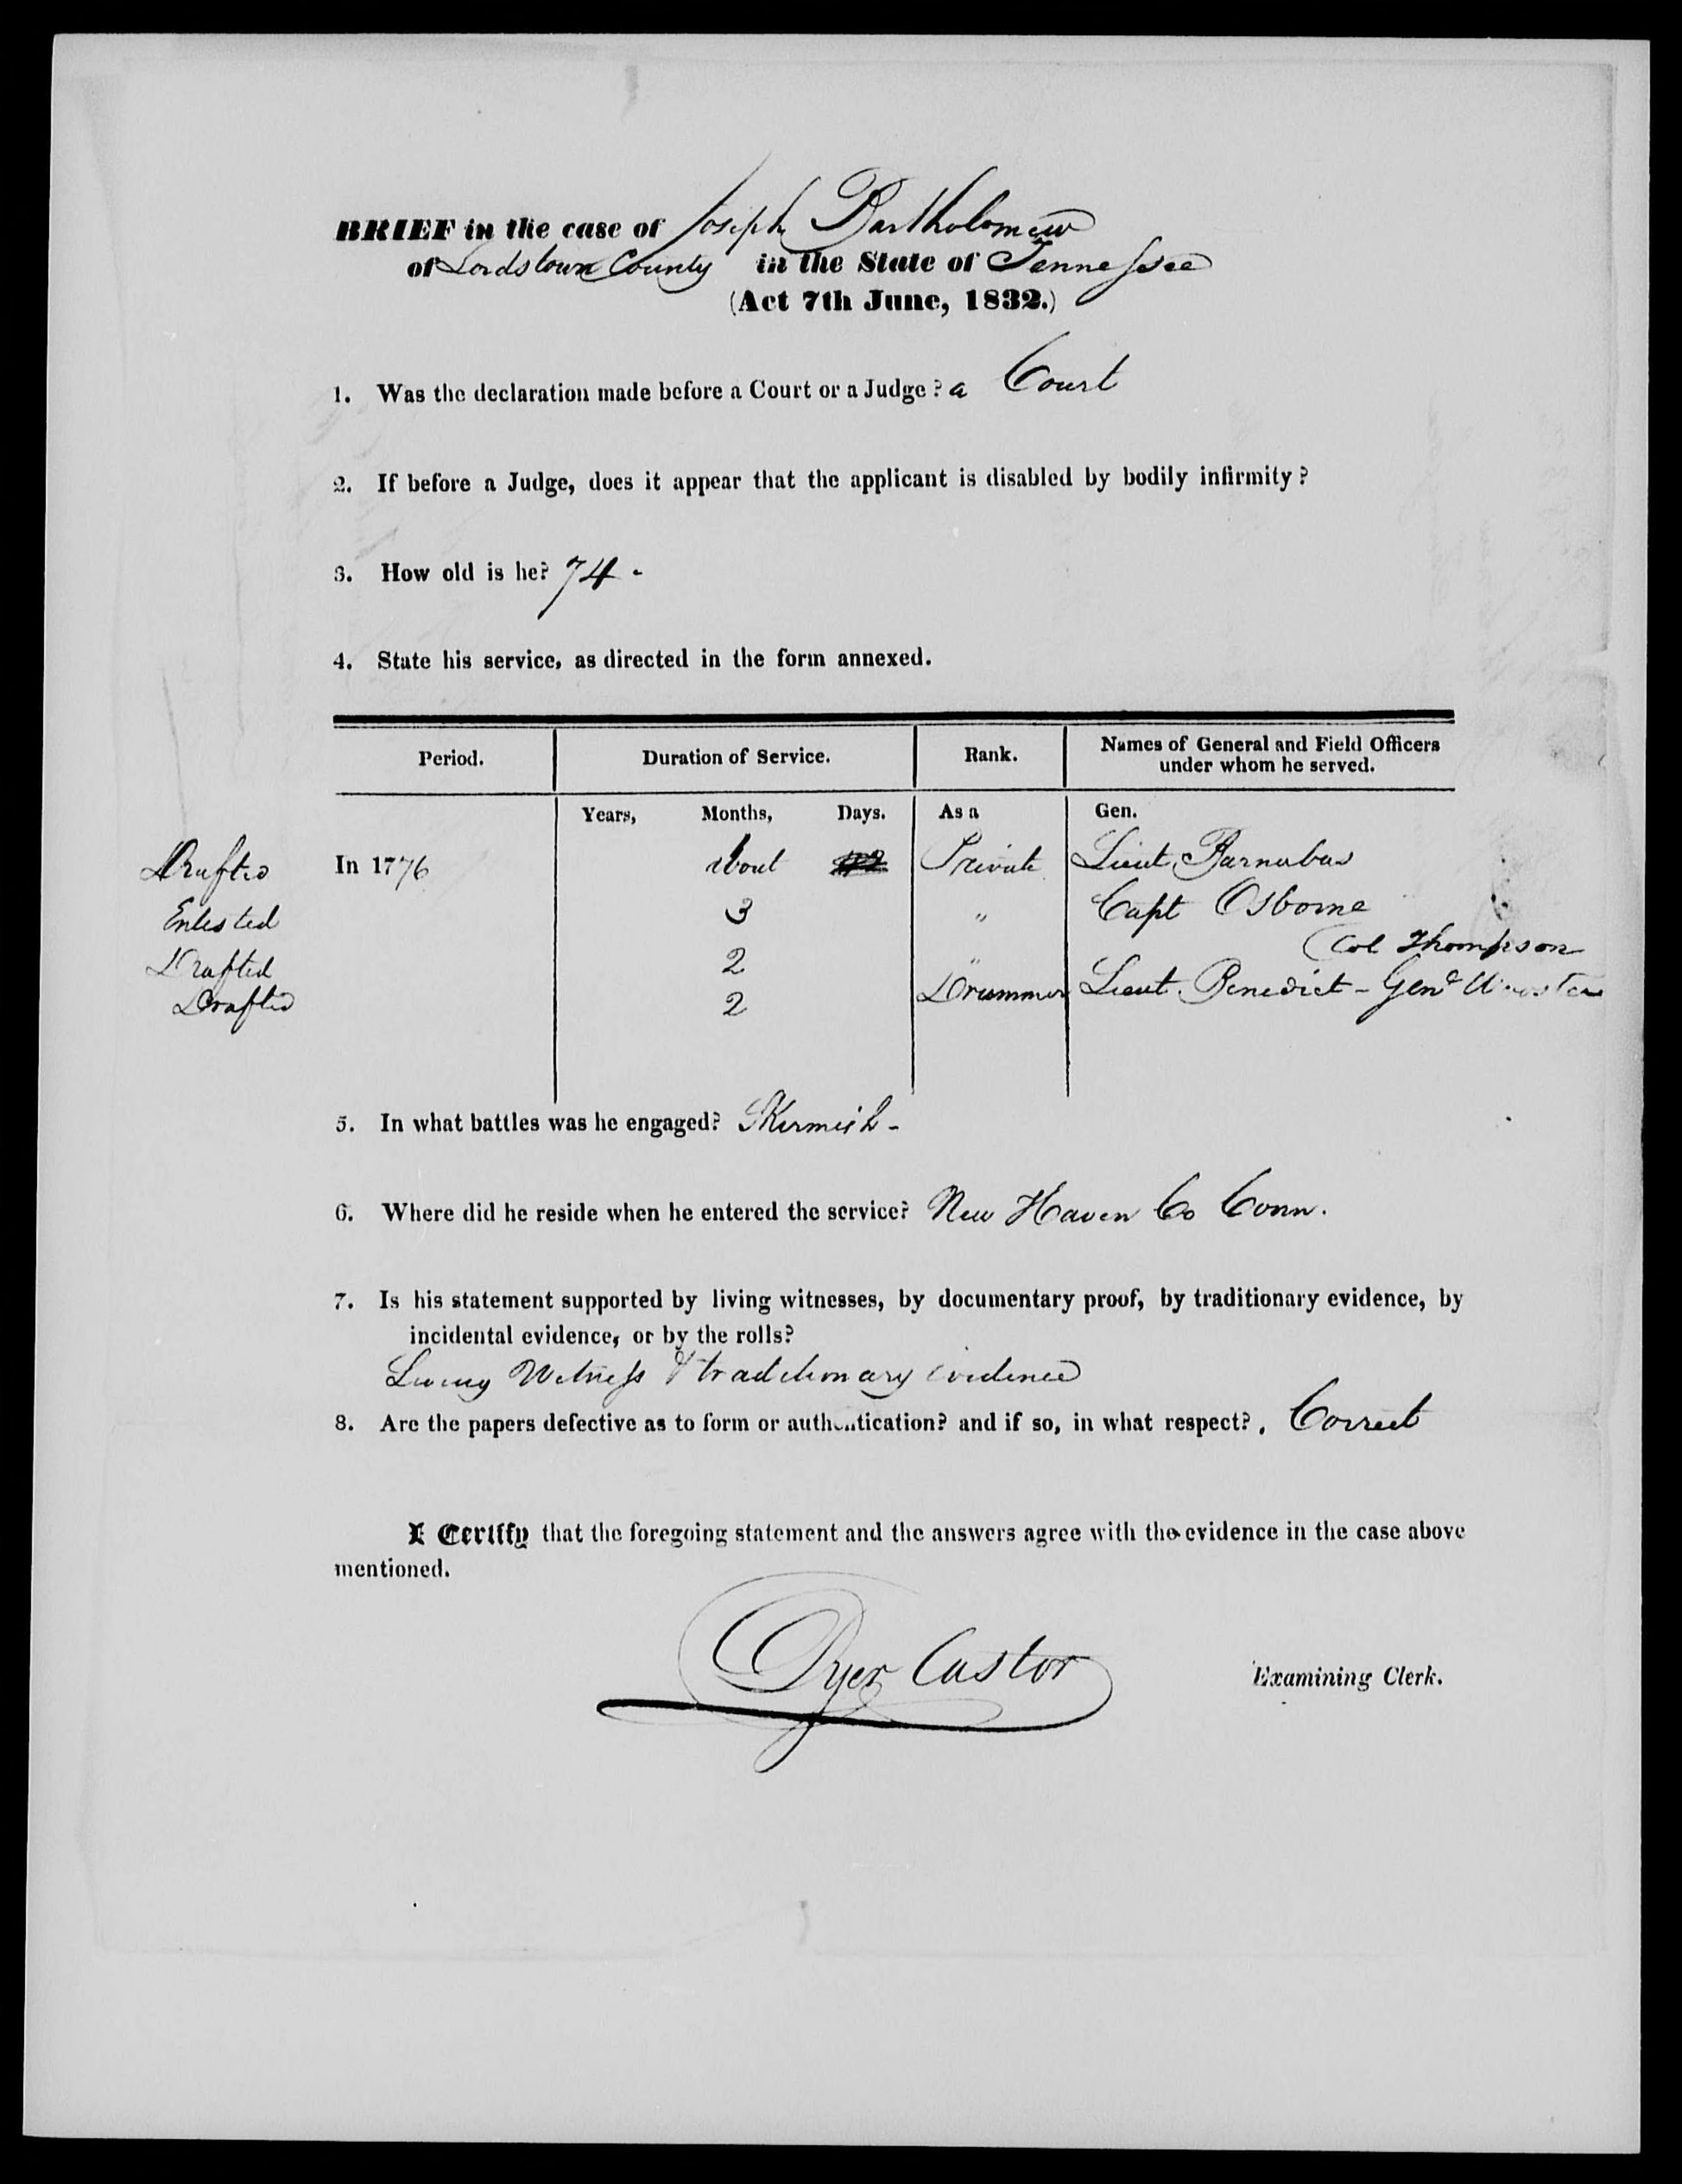BRIEF in the case of Joseph Bartholomew
of Lordstown County in the State of Tennessee
(Act 7th June, 1832.)

1. Was the declaration made before a Court or a Judge? a Court

2. If before a Judge, does it appear that the applicant is disabled by bodily infirmity?

3. How old is he? 74

4. State his service, as directed in the form annexed.

Period: In 1776

Duration of Service:  Drafted; about 1 month
Rank:  Private
Names of General and Field Officers under whom he served: Lieut. Barnabas 
 
Duration of Service: Enlisted;  3 months
Rank:  Private
Names of General and Field Officers under whom he served: Capt Osborne

Duration of Service: Drafted; 2 months
Rank:  Private
Names of General and Field Officers under whom he served: 

Duration of Service: Drafted; 2 months
Rank:  Drummer
Names of General and Field Officers under whom he served: Lieut. Benedict - Col Thompson - Gen'l Wooster

5. In what battles was he engaged? Skirmish.

6. Where did he reside when he entered the service? New Haven Co Conn.

7. Is his statement supported by living witnesses, by documentary proof, by traditionary evidence, by incidental evidence, or by the rolls?
Living Witness & traditionary evidence

8. Are the papers defective as to form or authentication? and if so, in what respect? Correct


I Certify that the foregoing statement and the answers agree with the evidence in the case above mentioned.  

Dyer Castor [signature]
Examining Clerk.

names: Joseph Bartholomew, Wriston, Thompson, Barnabas, Osborne, Dyer Castor, Benedict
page: 6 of 76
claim: widow's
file: W. 9345, Joseph Bartholomew, Conn.